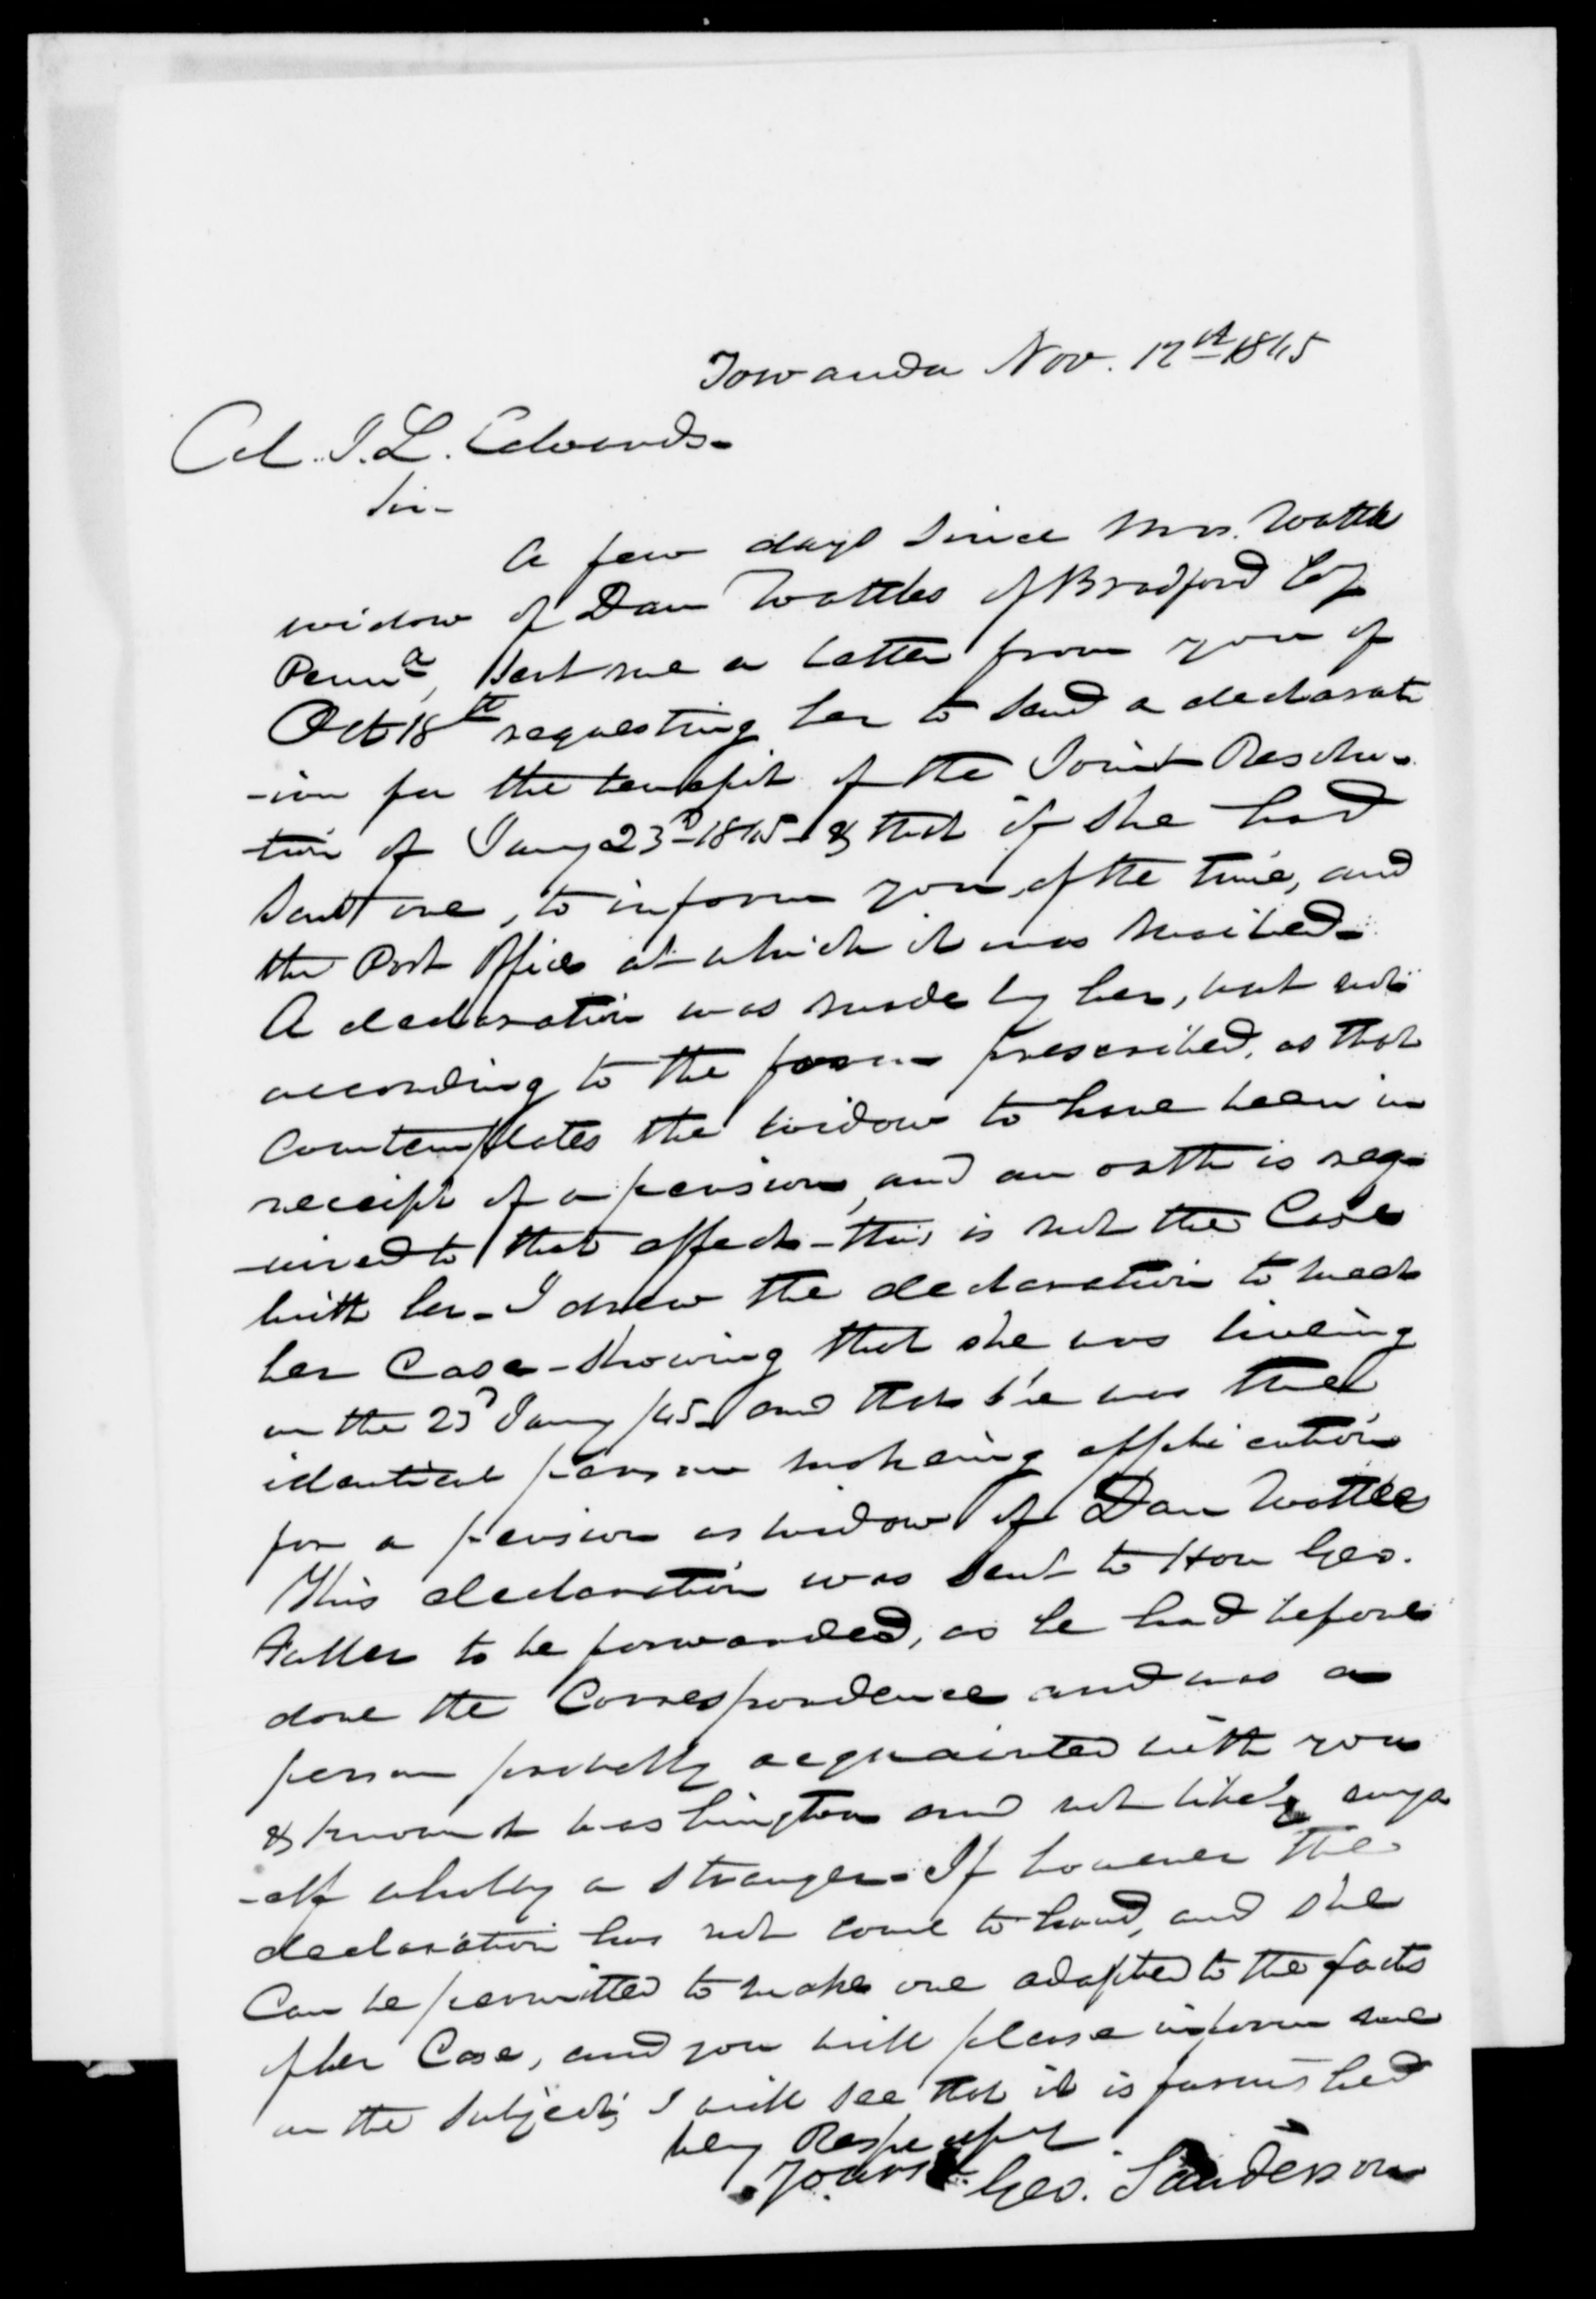Towanda Nov 12th 1845
Col J. L. Edwards
Sir
A few days since Mrs Wattles widow of Dan Wattles of Bradford Co Penna sent me a letter from you of Oct 18th requesting her to send a declaration for the benefit of the Joint Resolution of Jany 23d 1848 & that if she had sent one, to inform you of the time, and the Post office at which it was mailed A declaration was made by her, but not according to the form prescribed, as that contemplates the widow to have been in receipt of a pension and an oath is required to that effect this is not the case with her. I drew the declaration to make her case showing that she was living in the 23d Jany /45 and that she was the identical person making application for a pension as widow of Dan Wattle This declaration was sent to Hon Geo Fuller to be forwarded, as he had before done the correspondence and was a person personally acquainted with was & known of has [illegible] and not likely [illegible] self wholly a stranger. If however the declaration has not come to hand, and she can be permitted to make one adapted to the facts of her case, and you will please inform me on the subject, I will see that it is furnished
very Respectfully yours
Geo Sanderson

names: Geo Sanderson, Dan Wattles, J L Edwards, Geo Fuller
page: 48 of 70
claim: widow's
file: W. 3743, Dan Wattles, Conn.